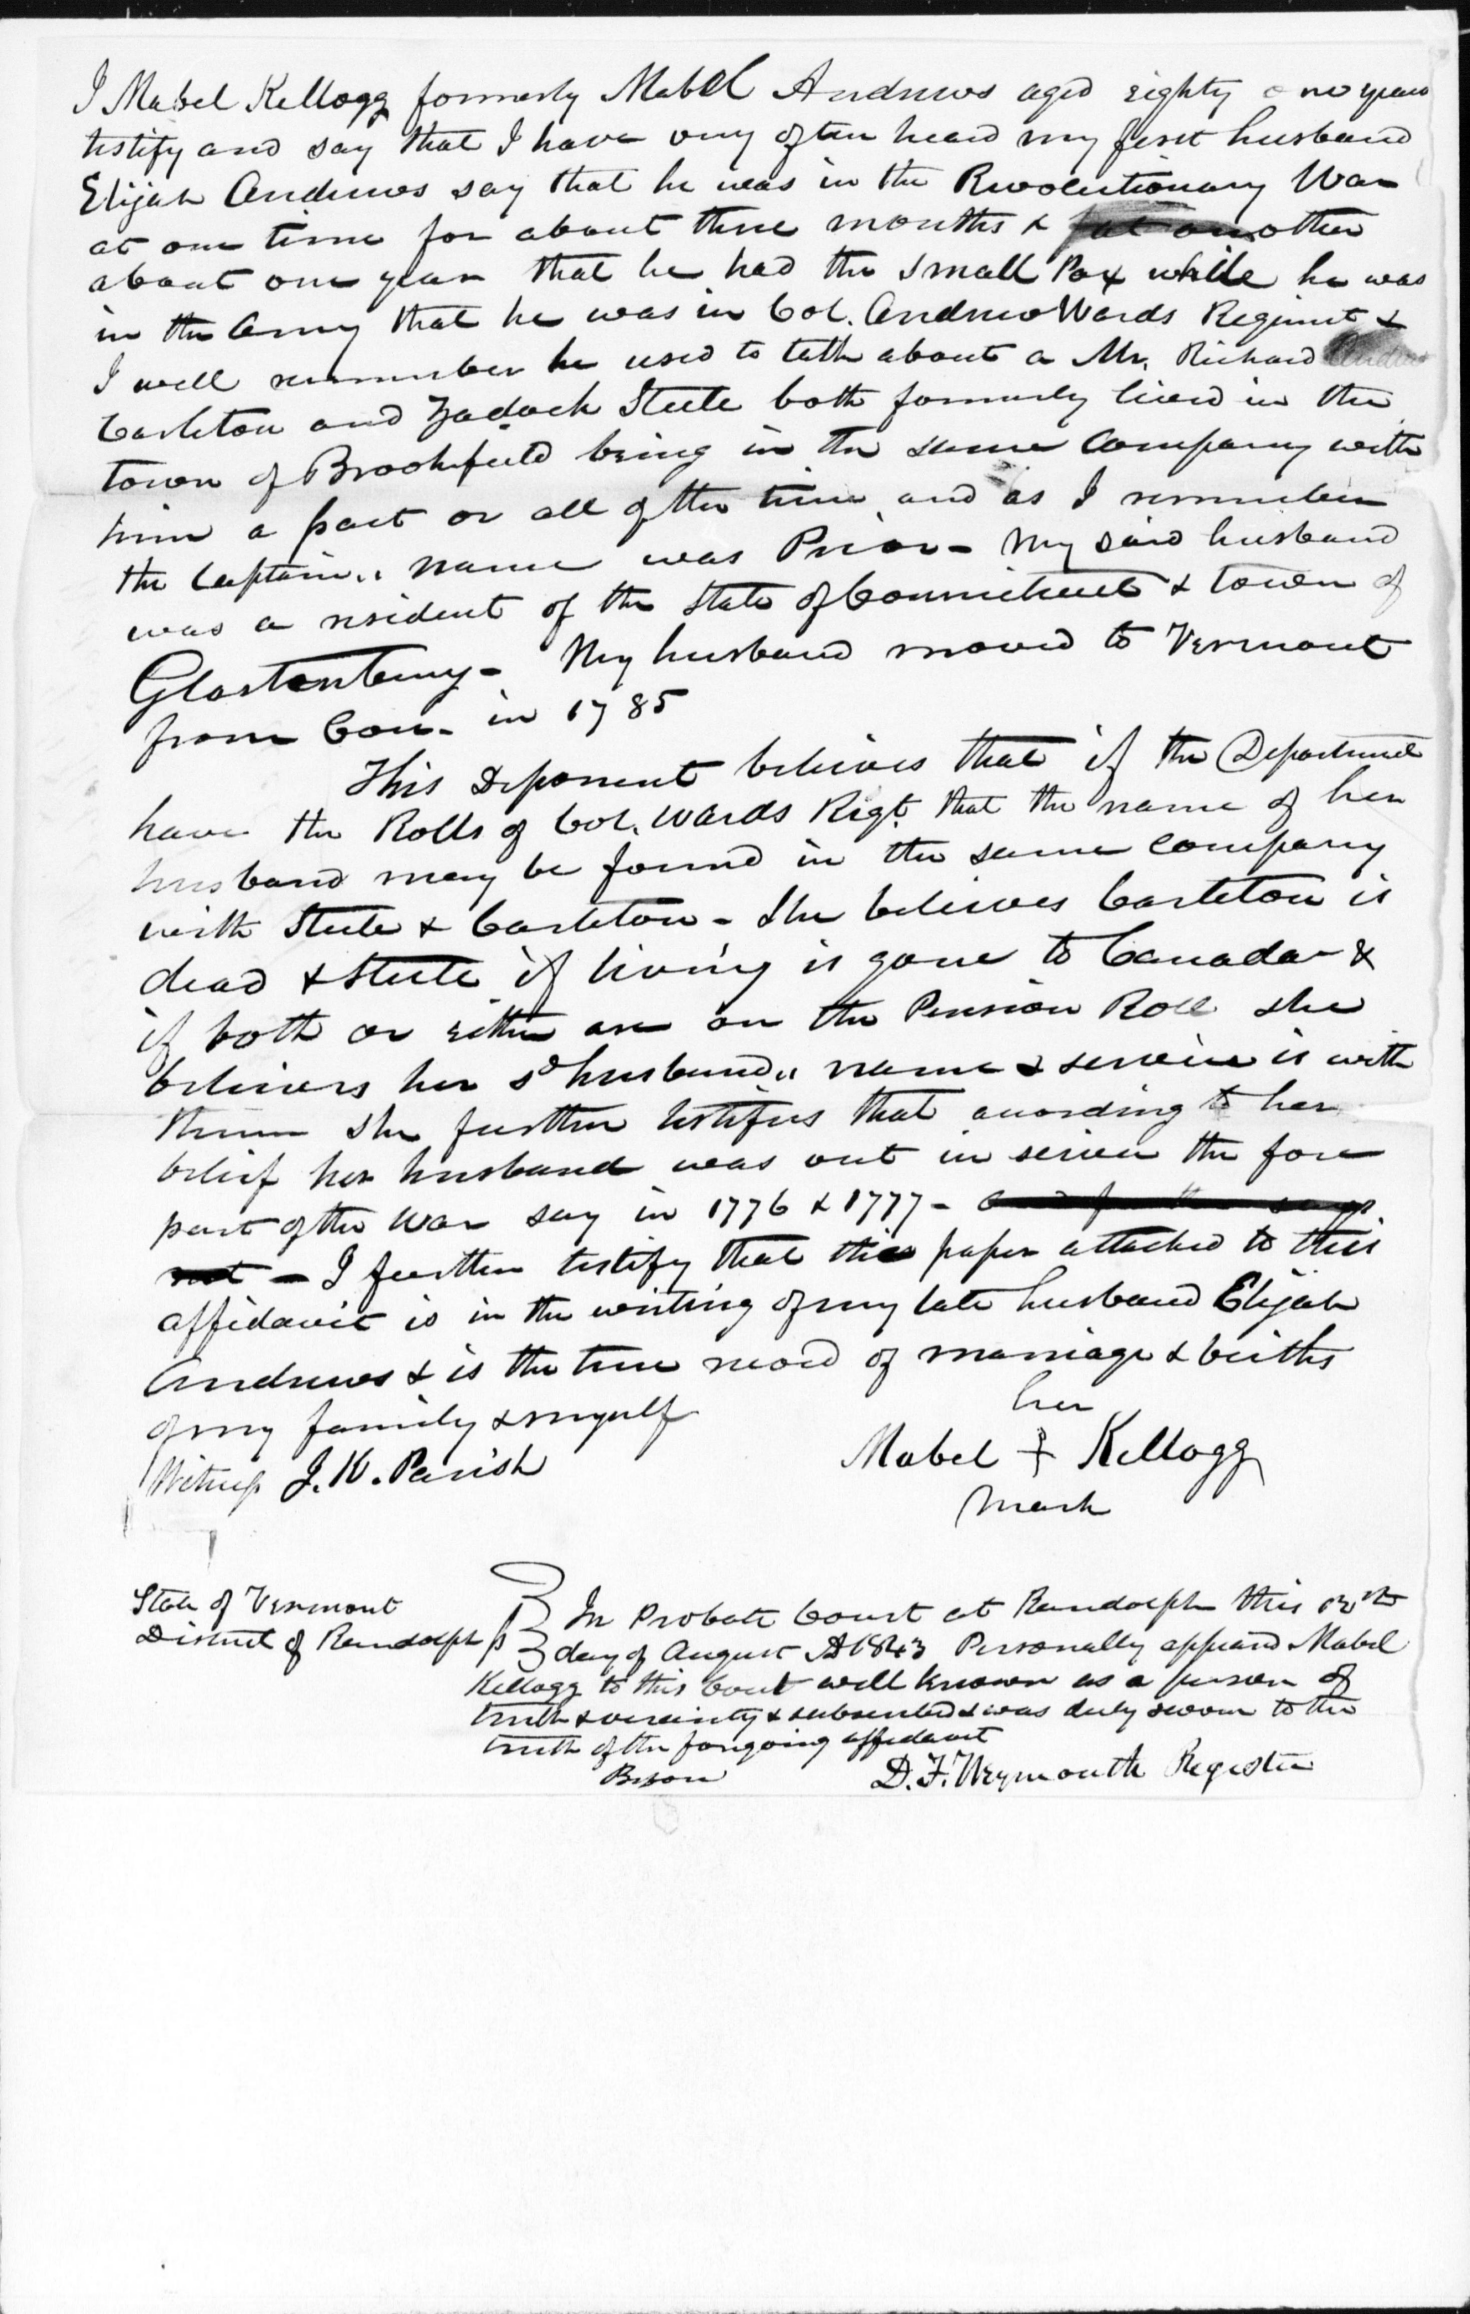I Mabel Kellogg formerly Mabel Andrews aged eighty one years testify and say that I have very often heard my first husband Elijah Andrews say that he was in the Revolutionary War at one time for about three months & for another about one year that he had the small Pox while he was in the army that he was in Col. Andrew Wards Regiment & I well remember he used to tell about a Mr. Richard Carleton and Zadach Steele both formerly lived in the Town of Brookflied being in the same company with him a part or all of the time, and as I remember the Captains name was Prior.  My said husband was a resident of the State of Connecticut & Town of Glastenbury.  My husband moved to Vermont from Con. in 1785
  This deponent believes that if the Department have the Rolls of Col. Wards Regt. that the name of her husband may be found in the same company with Steele & Carleton.  She believes Carleton is dead & Steele if living is gone to Canada  & if both are written on the Pension Roll she believes her husbands name & service is with them.  She further testifies that according to her belief her husband was out in service the fore part of this war say in 1776 & 1777.  I further testify that the paper attached to this affidavit is in the writing of my late husband Elijah Andrews & is the true record of marriage & births of my family & myself
Mable (her mark) Kellogg
Witness J.K. Parish

State of Vermont
District of Randolph Ss )  In Probate Court at Randolph this 12th day of August AD 1843 Personally appeared Mabel Kellogg to this Court well known as a person of truth & veracity & subscribed & was duly sworn to the truth of the foregoing affidavit
Before  D.F. Weymouth Register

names: Prior, Mabel Andrews, D F Weymouth, Elijah Andrews, Elijah Andrews, Mabel Kellogg, J K Parish, Mabel Kellogg, Richard Andrews, Mabel Kellogg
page: 6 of 19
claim: rejected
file: R. 5836, Elijah Andrews, Conn.